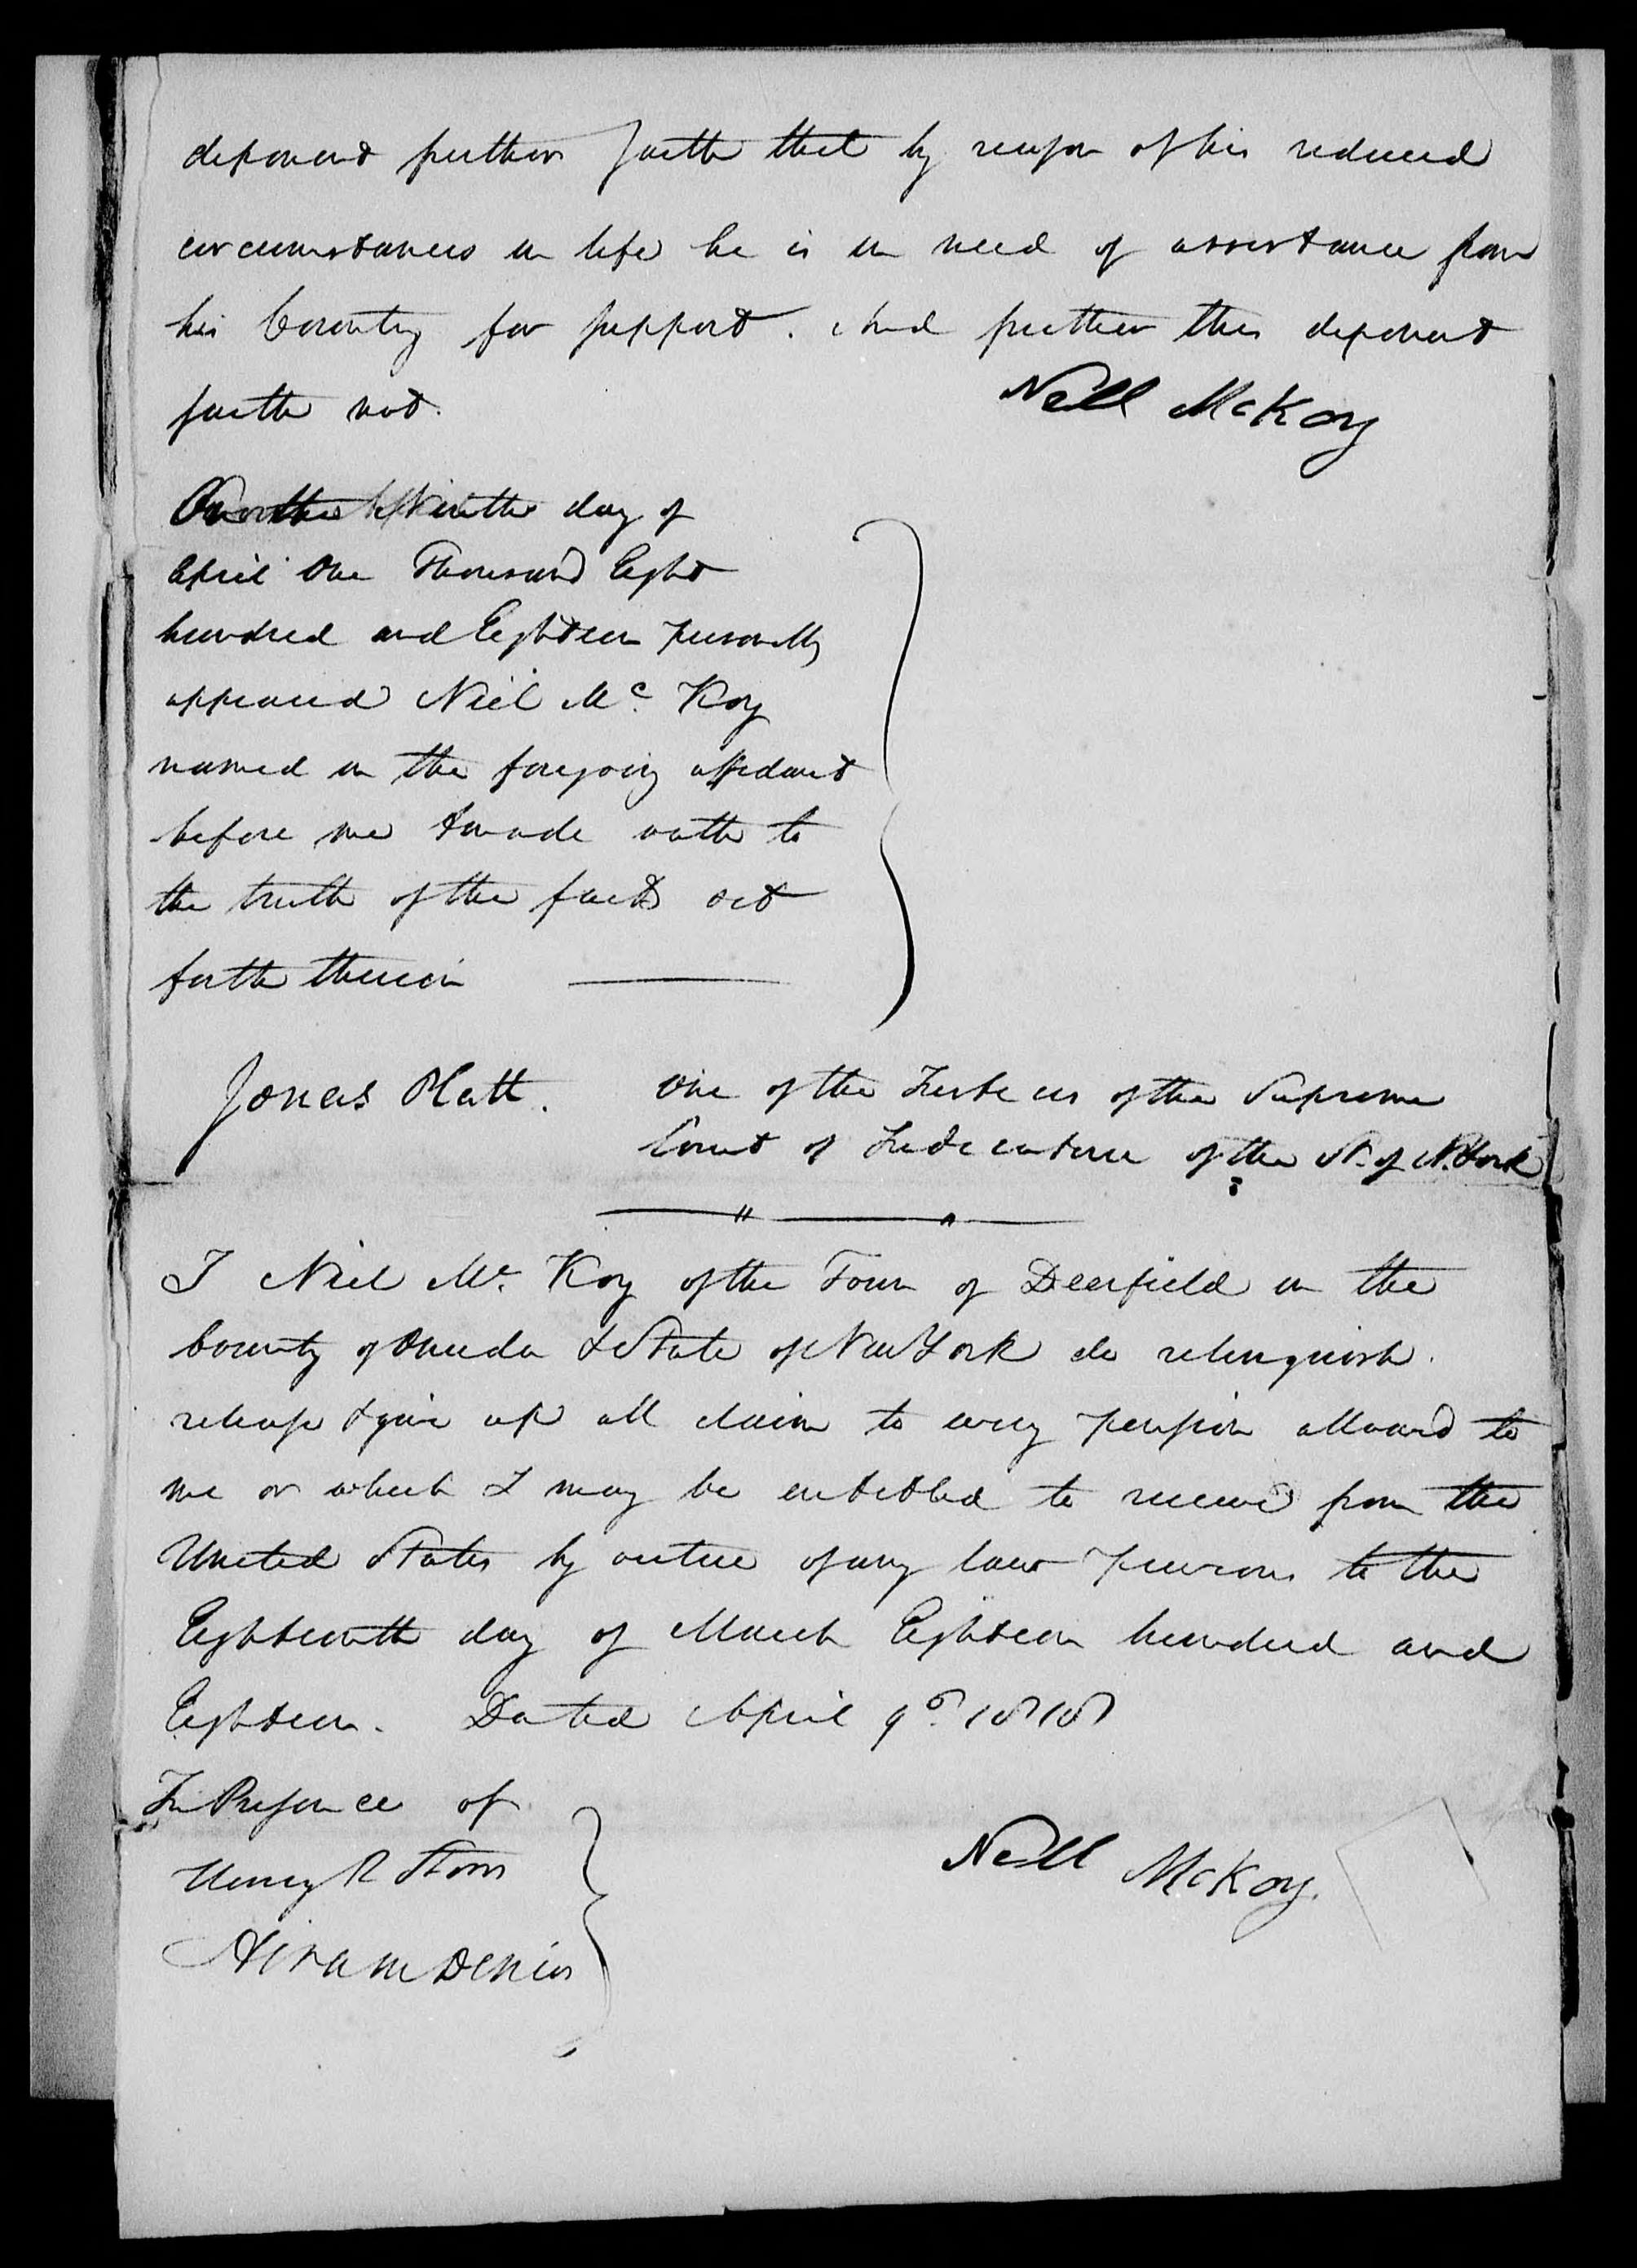deponent further saith that by [?] of his reduced circumstances in life he is in need of assistance from his country for support which further this deponent saith not
Nell McKoy
On this ninth day of April one thousand eight hundred and eighteen personally appeared Neil McKoy named in the foregoing affidavit before me [?] oath to the truth of the facts set forth therein
Jonas Platt
one of the [?] of the Supreme Court of [?] of the state of N York
I Neil McKoy of the town of Deerfield in the county of Oneida & State of New York do relinquish [?] & give up all claims to any pension allowed to me or which I may be entitled to receive from the United States by virtue of any law [?] to the eighteen day of March eighteen hundred and eighteen.  
Dated April 9, 1818
Nell McKoy
In presence of Henry R Starr
Hiram Davis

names: Jonas Platt; Niel Mc Koy; Hiram Denis; Henry R Storrs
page: 8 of 11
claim: survivor's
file: S. 42951, for Neil Mc Koy, Massachusetts